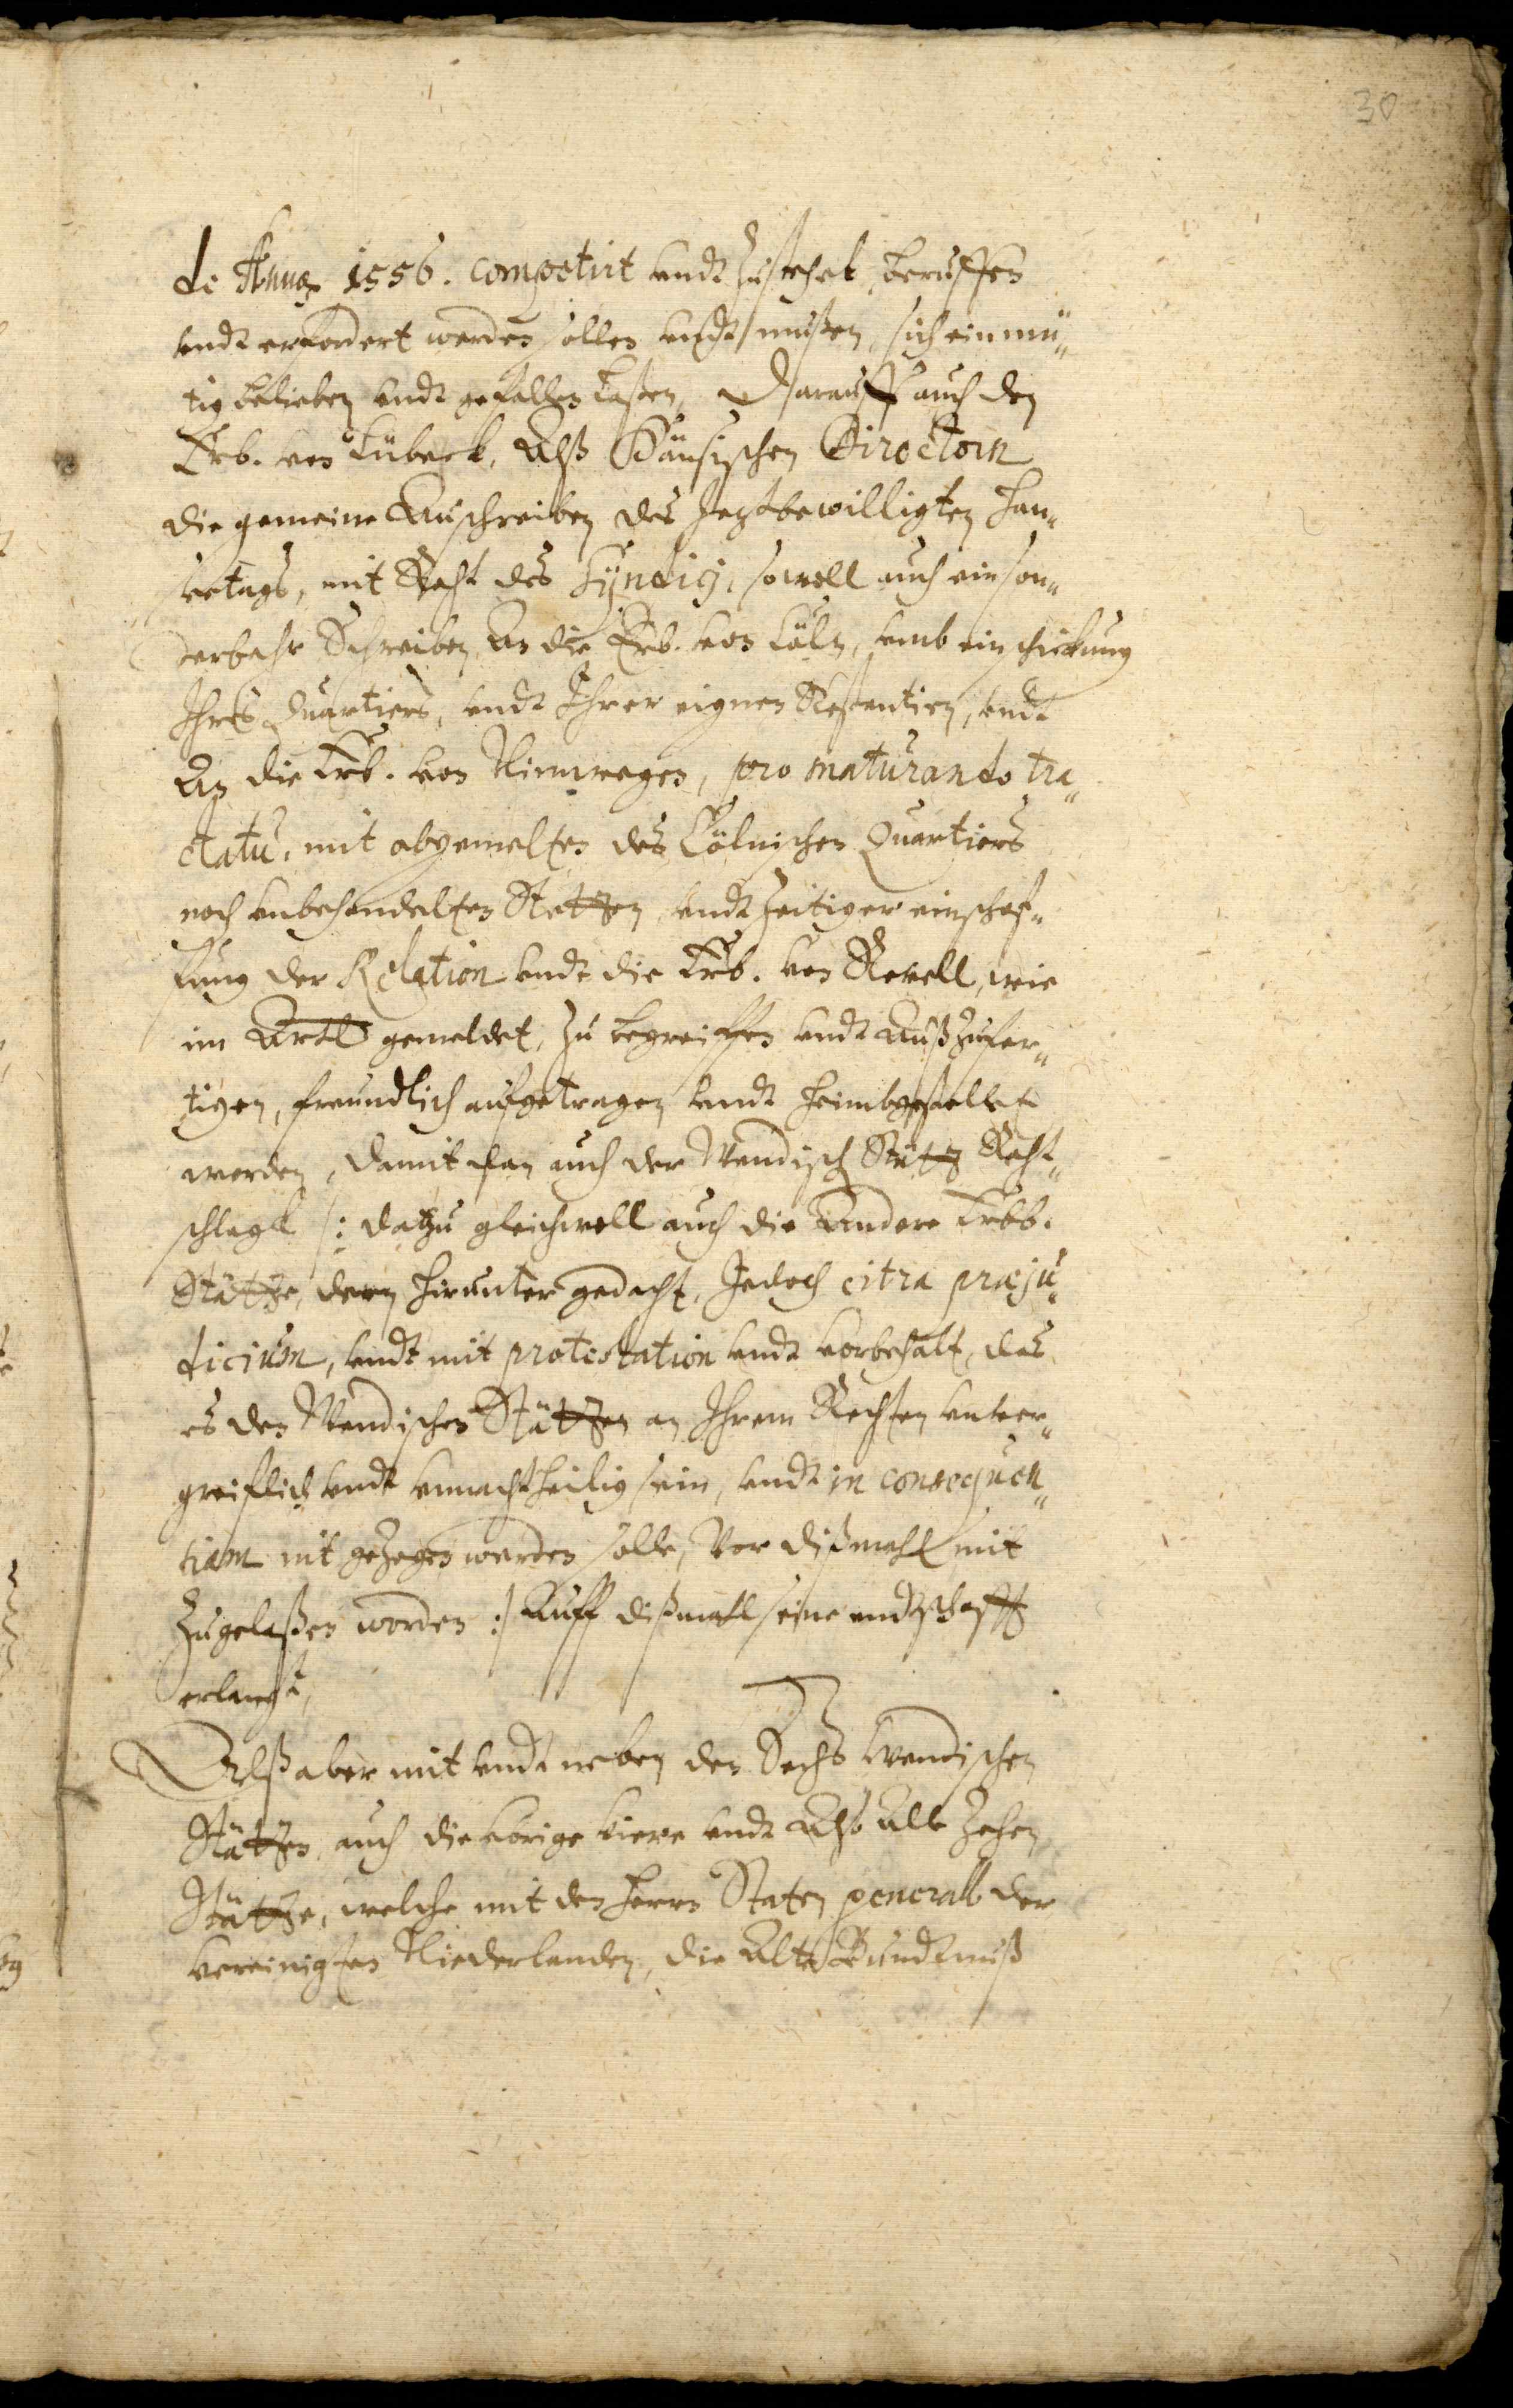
de Anno i556, competirt vndt zustehet, beruffen
vndt erfordert werden sollen vndt mußen, sich ein mü¬
tig belieben vndt gefallen laßen, darauff auch den
Erb. von Lübeck, alß hänsischen Directorn
die gemeine auschreiben des Ietztbewilligten han¬
seetags, mit Raht des Sijndici, so woll auch ein son¬
derbahr sohreiben an die Erb. von Cöln, vmb ein schickung
Ihres Quartiers, vndt Ihrer eignen Restantien, vndt
an die Erb. von Nimwegen, pro maturando tra¬
ctatu, mit abgemelten des Cölnischen Quartiers
noch vnbehandelten Stetten, vndt Zeitiger einschaf¬
fung der Relation vndt die Erb. von Revell, wie
im Artll gemeldet, Zu begreiffen vndt AußZufer¬
tigen, freundlich aufgetrage vndt heimbgestellet
werden, damit dan auch der Wendischen Stätt Raht¬
schlagk /: datzu gleichwoll auch die andere Erbb.
Stätte, deren hirunter gedacht, Iedoch citra præju¬
dicium, vndt mit protestation vndt vorbehalt, das
es den Wendischen Stätten an Ihrem Rechten vnver¬
greiflich vndt unnachtheilig sein, vndt in consequen¬
tiam nit geZogen werden solle, vor dißmahl mit
Zugelaßen worden :/ Auff dißmahl seine endtschafft
erlangt,
Alß aber mit vndt neben den Sechs Wendischen
Stätten auch die vorige viere vndt Also alle Zehen
Stätte, welche mit den herrn Staten generall der
vereinigten Niederlanden, die Alte Bundtnuß
